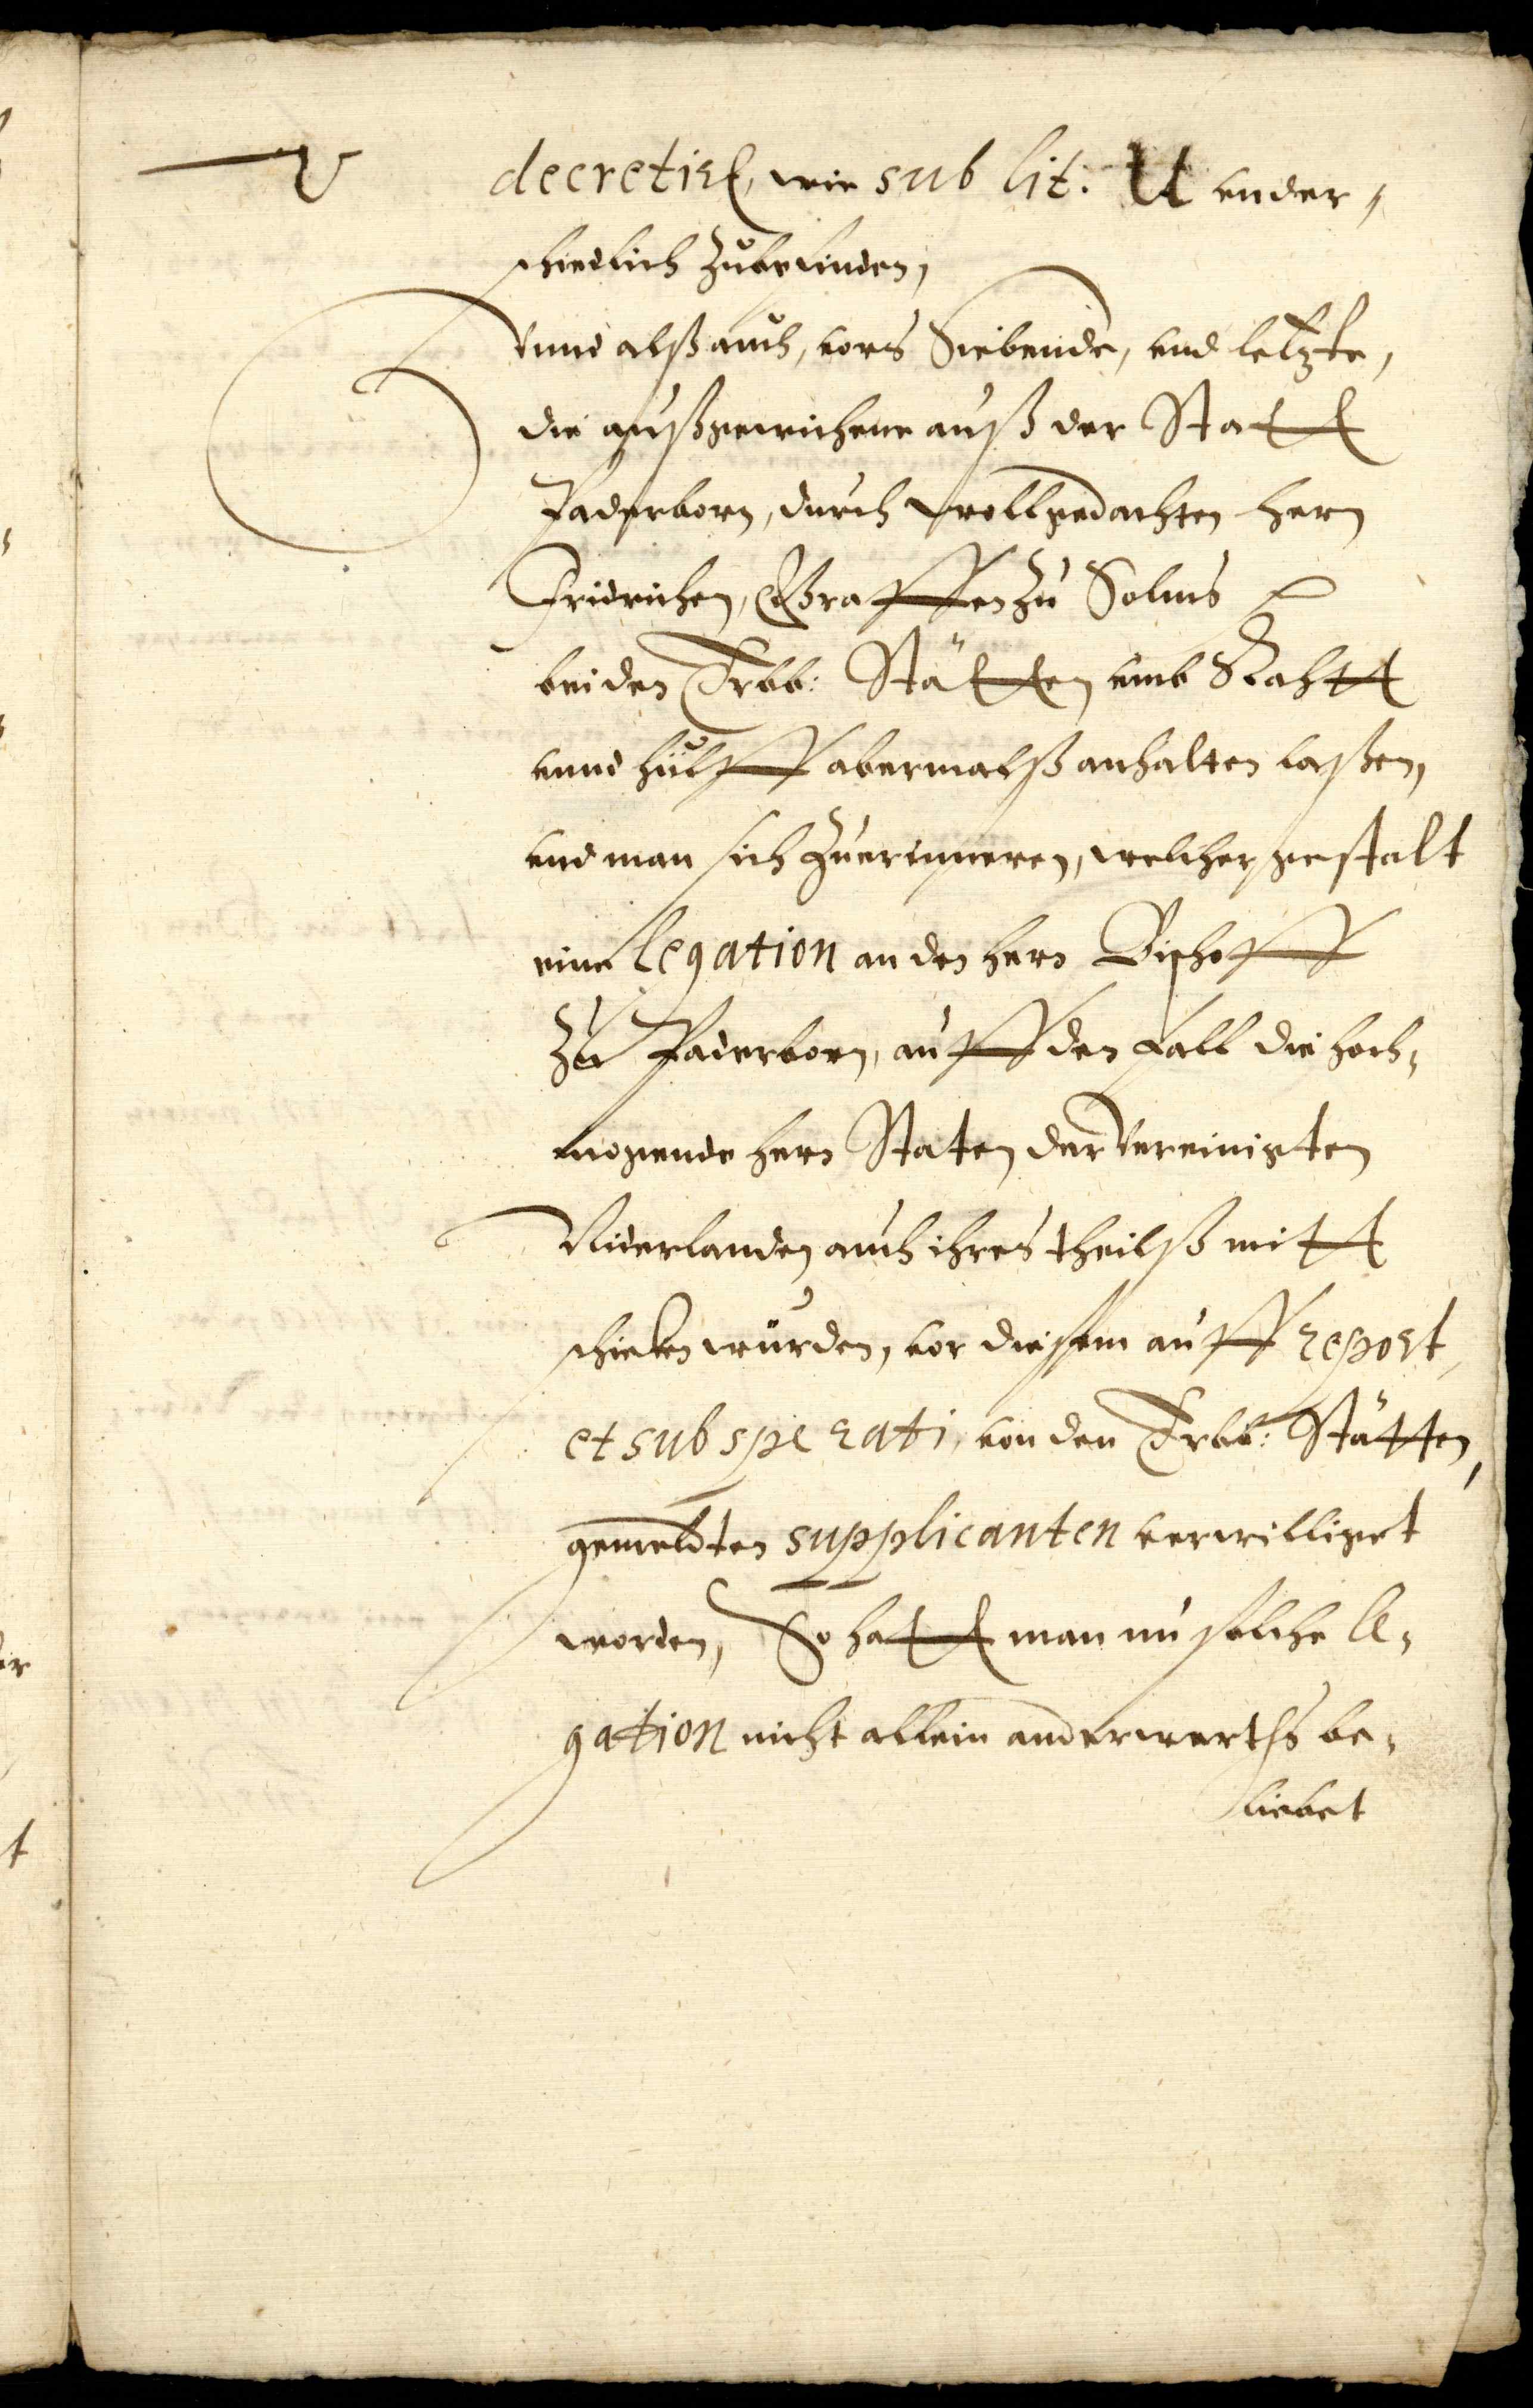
U
decretirt, wie sub lit. U vnder¬
schiedlich Zubefinden,
Vnnd alß auch, vors Siebende, vnd letzte,
die außgewichene auß der Statt
Paderborn, durch wollgedachten hern
Fridrichen, Graffen Zu Solms p
bei den Erbb: Stätten vmb Rahtt
vnnd hülff abermalß anhalten laßen,
vnd man sich Zuerinneren, welcher gestalt
eine Legation an den hern Bischoff
Zu Paderborn, auff den fall die hoch¬
mogende hern Staten der Vereinigten
Niderlanden auch ihres theilß mitt
schicken würden, vor diesem auff report
et sub sperati, von den Erbb: Stätten,
gemeldten supplicanten verwilliget
worden, So hatt man in solche le¬
gation nicht allein anderwerths be¬
liebet
